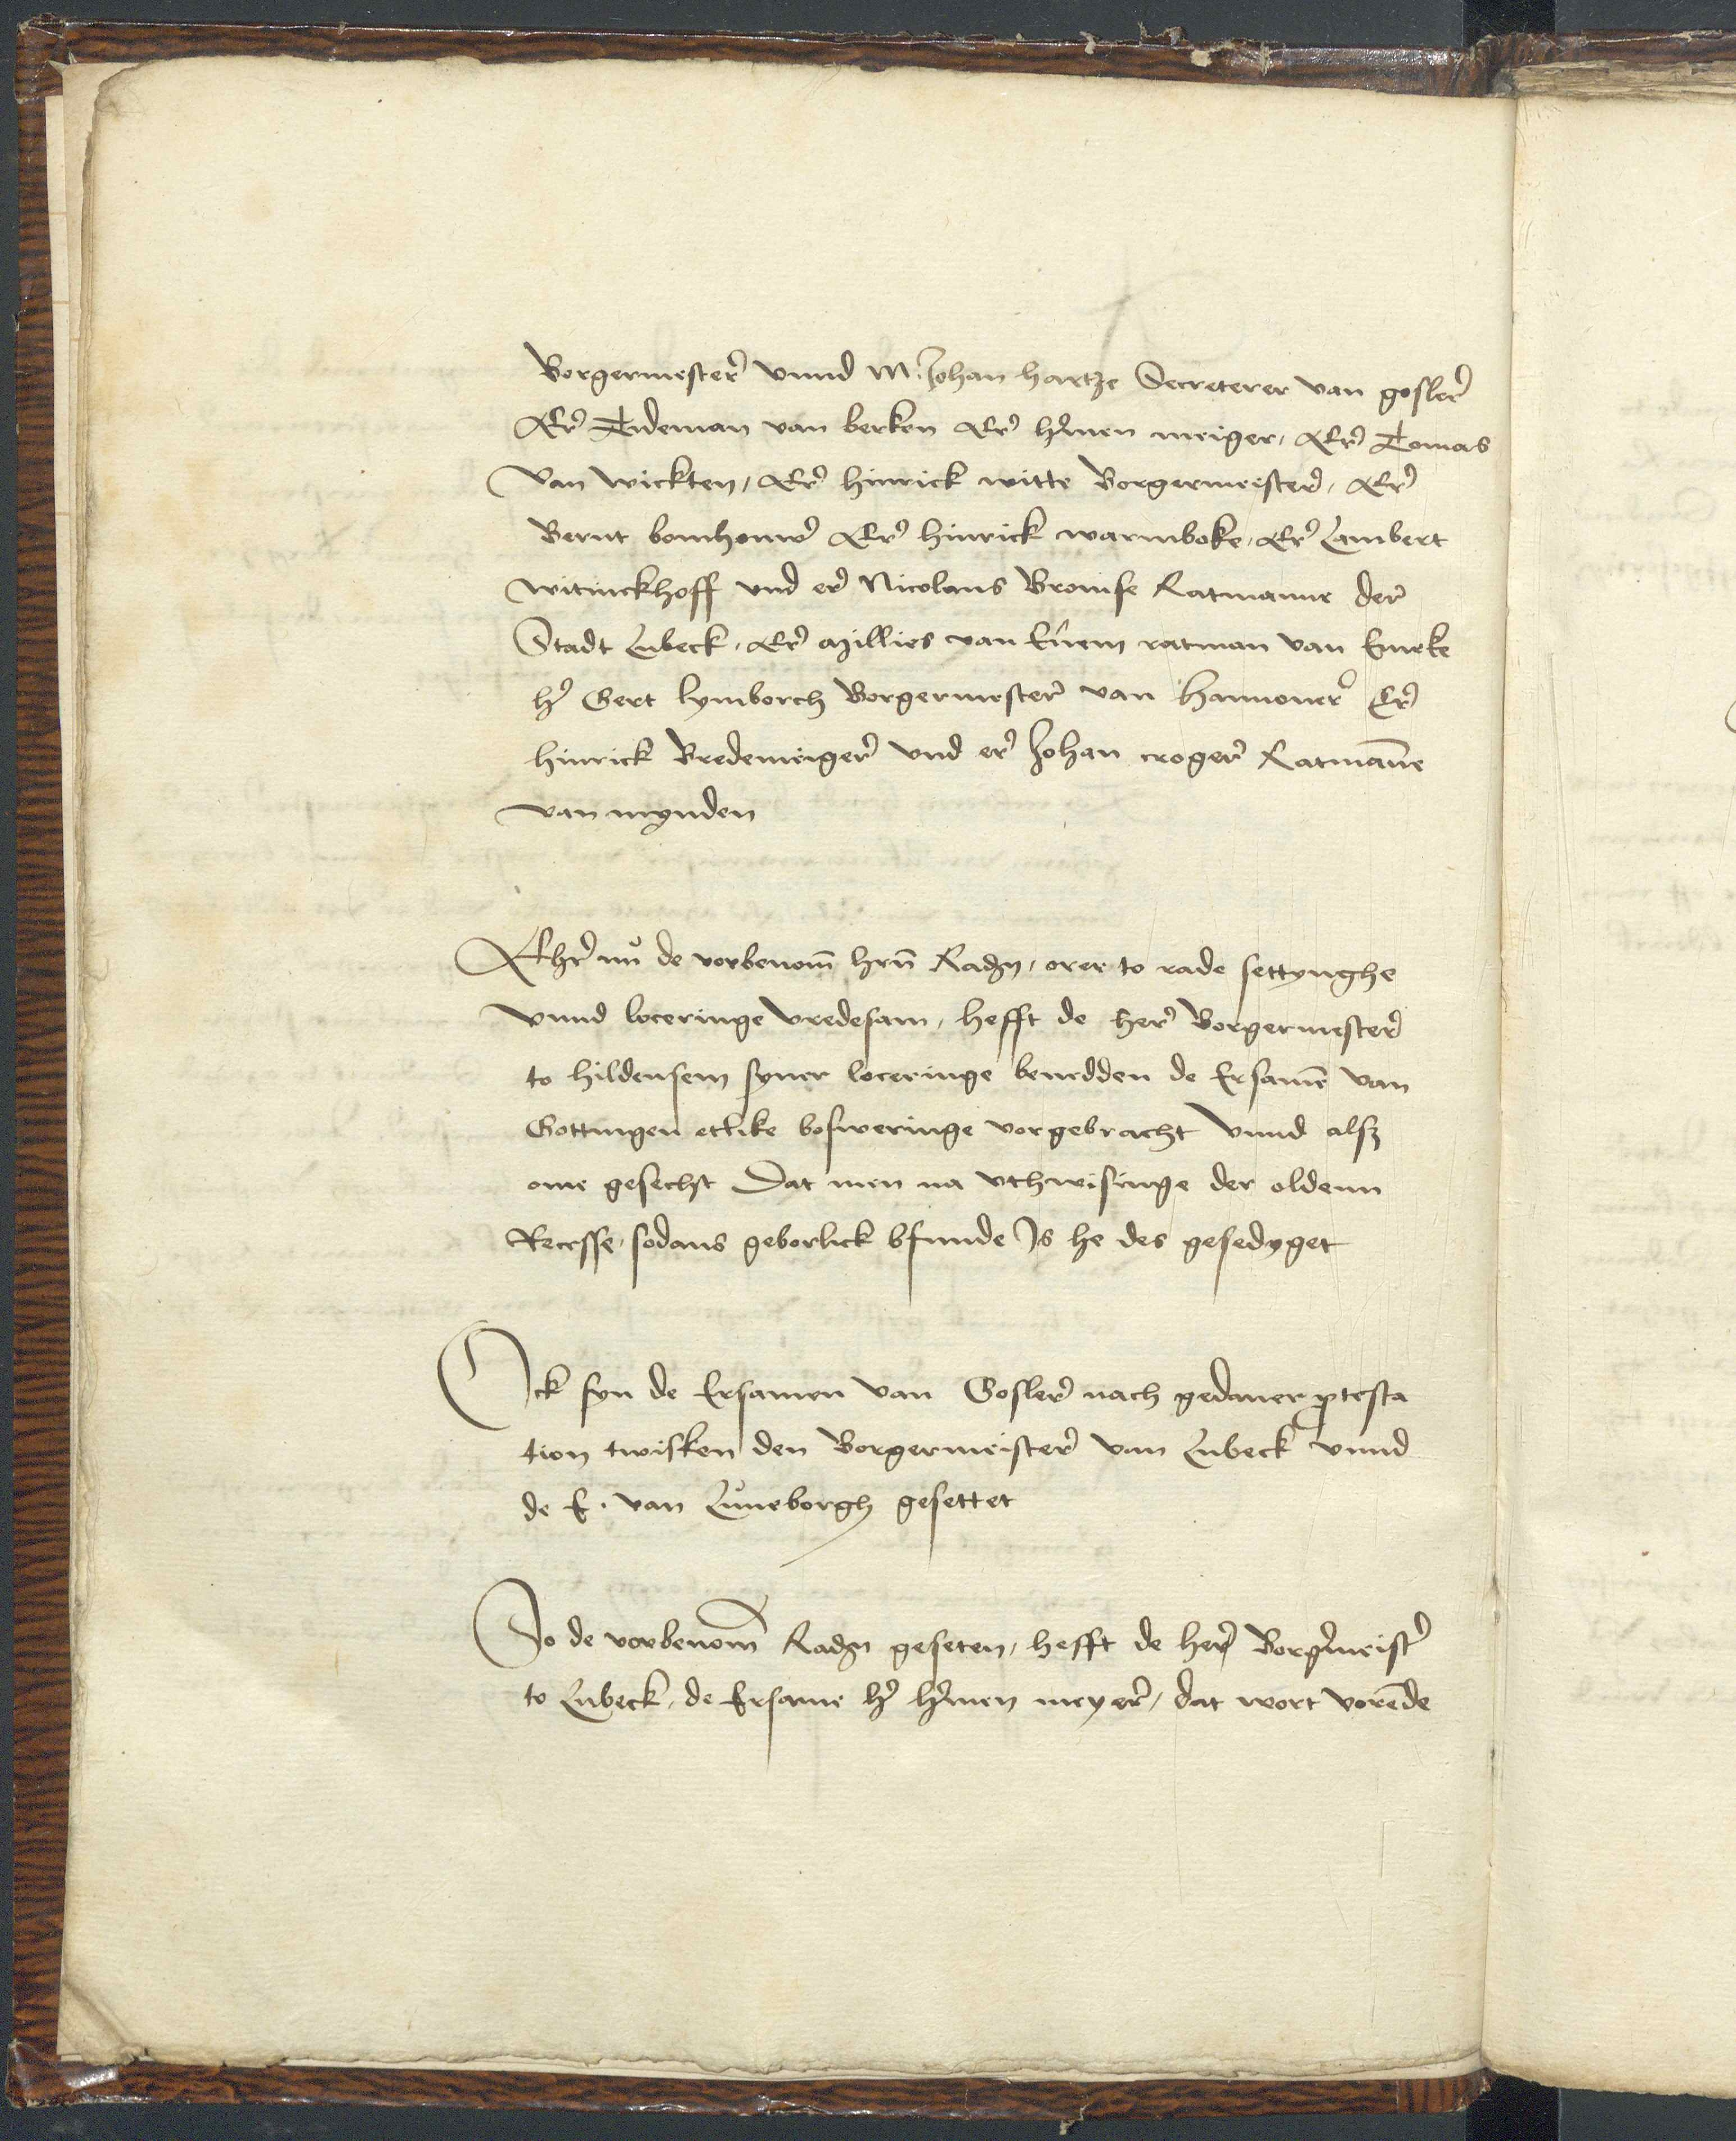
Borgermester vnnd M. Johann Hartze Sercreterer van gosler
Er Tideman van berken Er hermen meiger, Er Thomas
van wickten, Er hinrick witte Borgermeester, Er
Bernt bomhawer, Er hinrick warmboke, Er Lambert
Witinckhoff vnd er Nicolaus Bromse Ratmanne der
Stadt Lubeck, Er millies van Einem ratman van Emeke
her Gert lymborch Borgermester van Hannouer Er
Hinrick Bredemeiger vnd er Johan croger Ratmanne
van mynden
Ehr nu de vorbenomeden hern Radessendebaden, orer to rade settynghe
vnnd loceringe vredesam, hefft de her Borgermester
to Hildensem syner loceringe benedden de Ersamen van
Gottingen erlike besweringe vorgebracht vnd alsz
ome gesecht Dat men na vthwisinge der oldenn
Recesse sodans geborlick bfunde Is he des gesedyget
Ock syn de Ersamen van Goslar nach gedaner protesta¬
tion twisken den Borgermeister van Lubeck vnd
de E. van Luneborgh gesettet
So de vorbenomeden Radessendebaden geseten, hefft de her Borgermeister
to Lubeck, de Ersame her Hermen meyer, dat wort vorende
